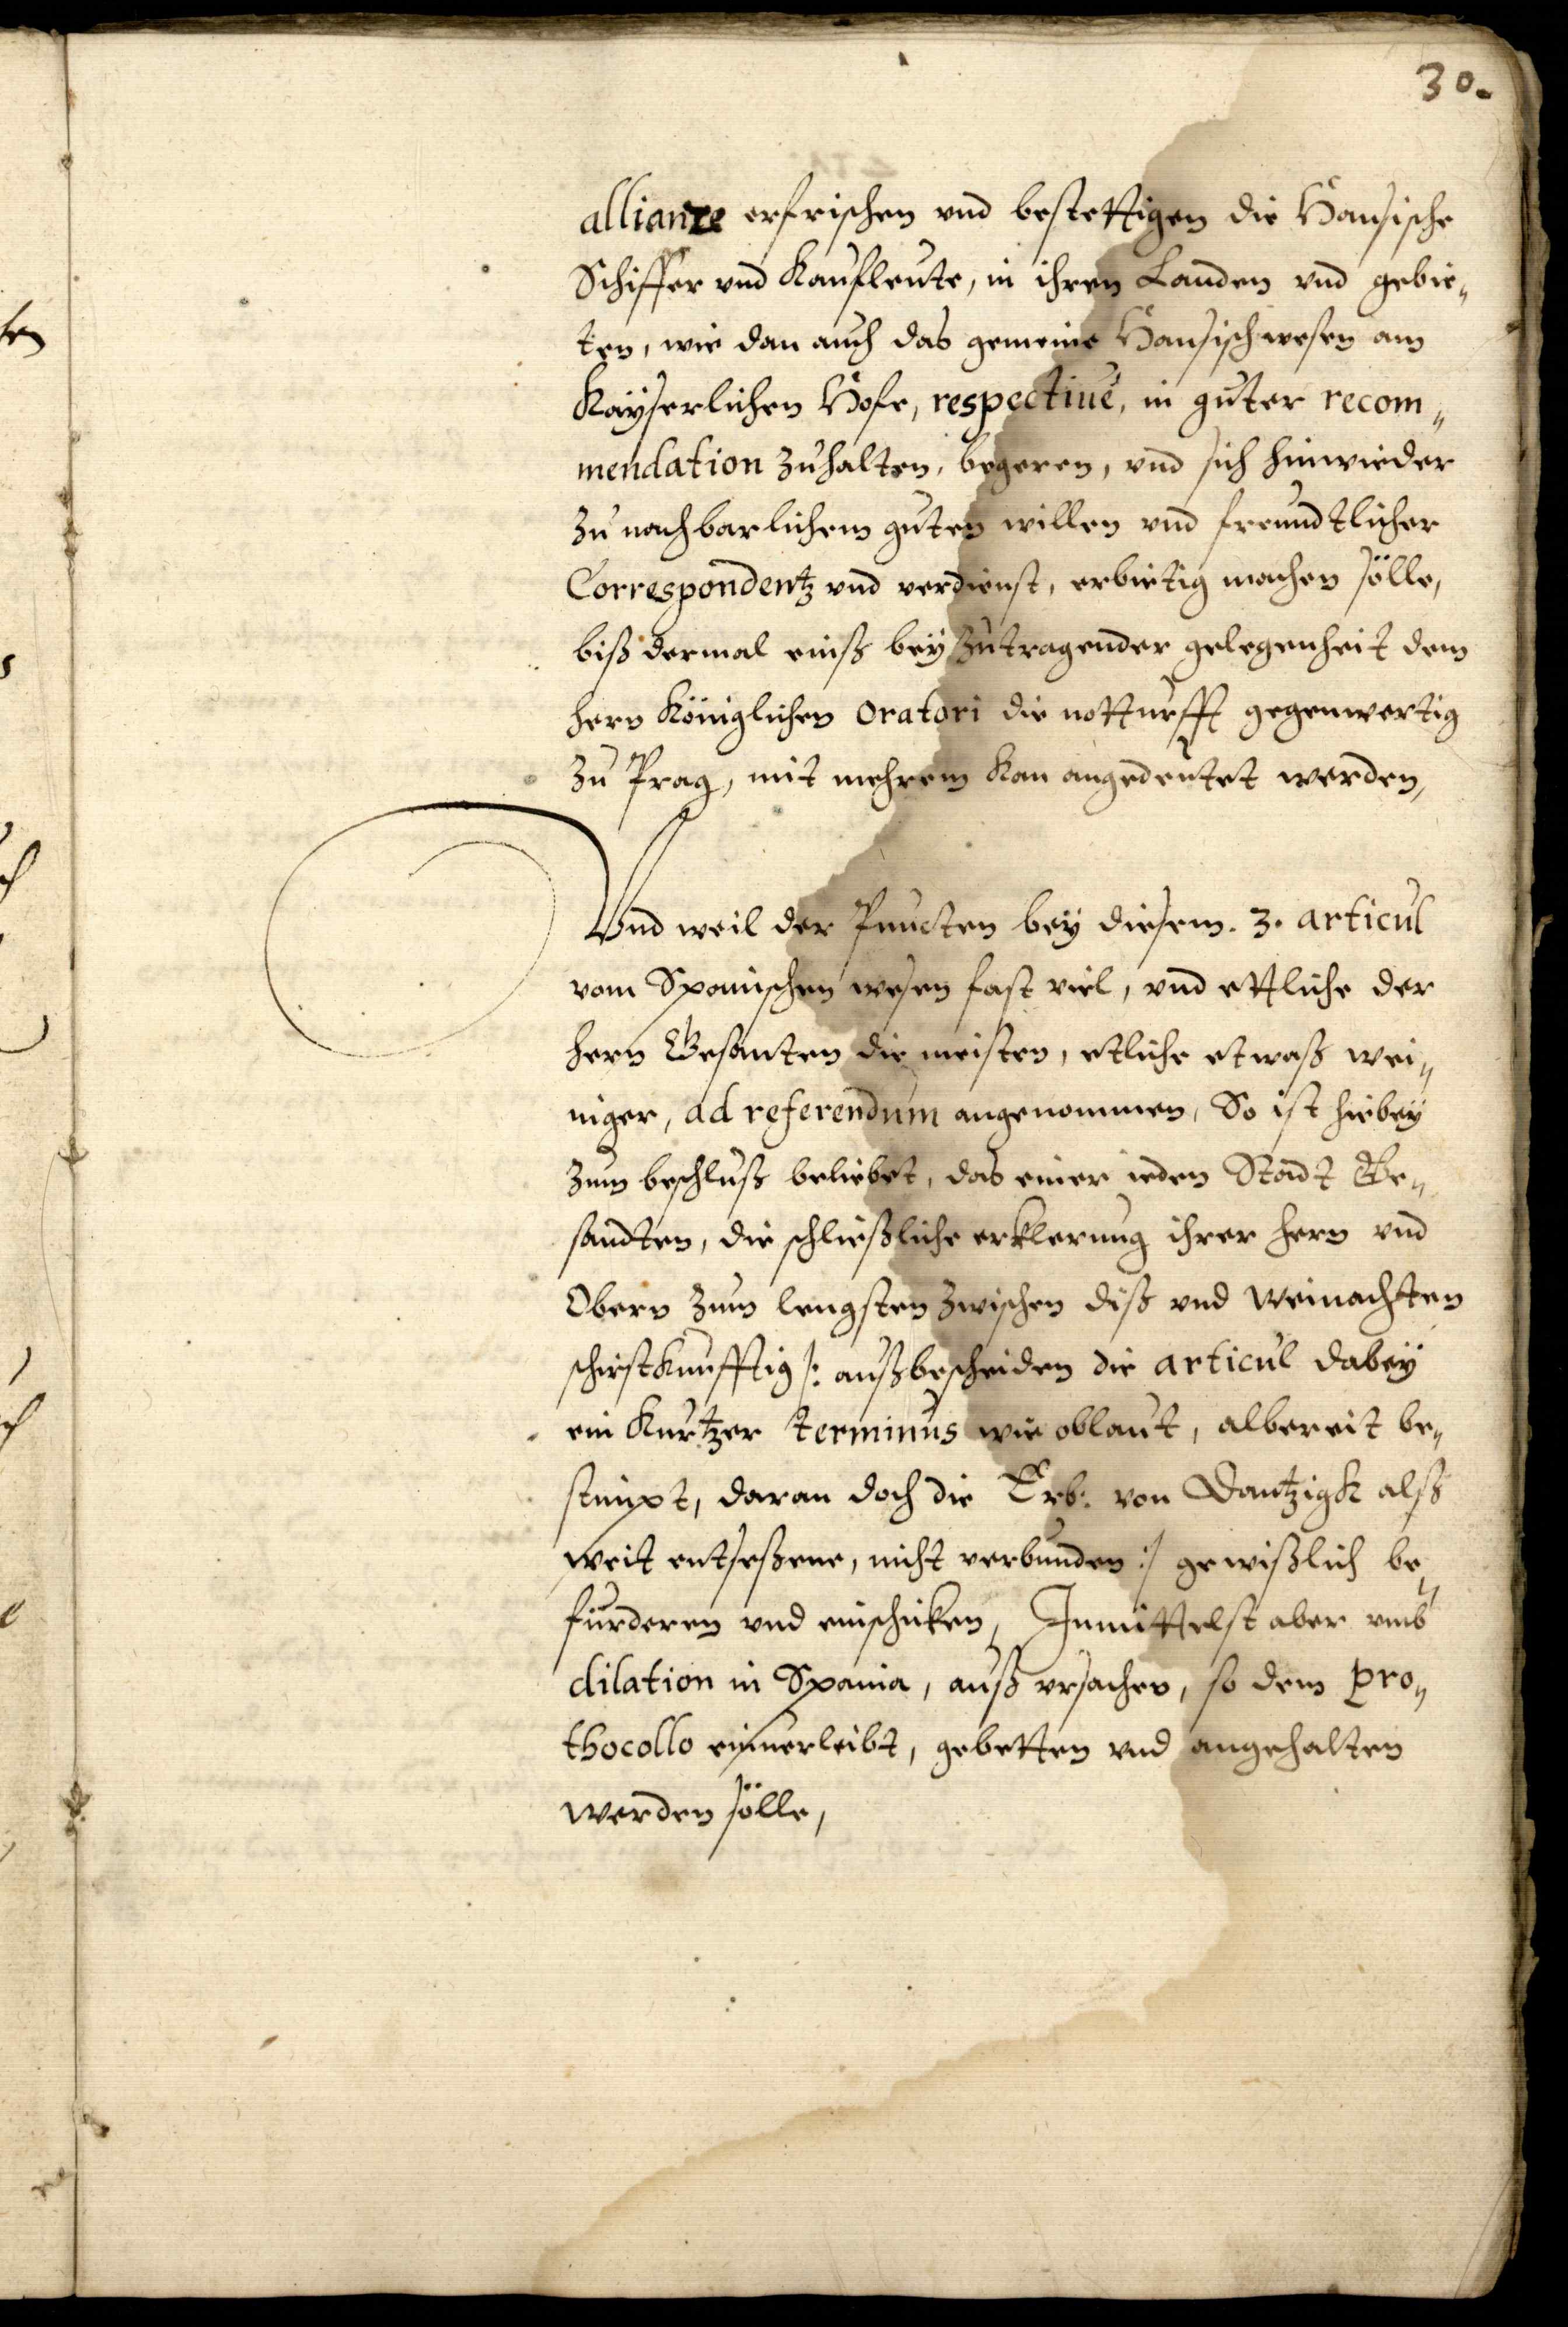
30.
allianze erfrischen vnd bestettigen die Hansische
Schiffer vnd Kaufleute, in ihren Landen vnd gebie¬
ten, wie dan auch das gemeine Hansischen am
Königlichen Hofe, respectiue, in guter recom¬
mendation zuhalten, begeren, vnd sich hinwieder
zu nachbarlichen guten willen vnd freundtlicher
Correspondentz vnd verdienst, erbietig machen sölle,
biß dermal einß beij Zutragender gelegenheit dem
hern königlichen Oratori die notturfft gegenwertig
zu Prag, mit mehreren kan angedeuet werden,
Vnd weil derPuncten beij diesem. 3. articul
vom Spanischen wesen fast viel, vnd ettliche der
hern Gesanen die meisten, etliche etwaß wei¬
niger, ad referendum angenommen, So ist hirbeij
zum beschluß beliebet, das einer ieden Stadt Ge¬
sandten, die schließliche erklerung ihrer hern vnd
Obern zum lengsten zwischen diß vnd weinachten
schirstkunfftig |: außbescheiden die articul dabeij
ein kurtzer terminus wie oblaut, albereit be¬
stimpt, daran doch die Erb: von Dantzigk also
weit entseßene, nicht verbunden :|gewißlich be¬
fürderung vnd einschicken, Inmittelst aber vmb
dilation in Spania, auß vrsachen, so dem pro¬
thollo einuerleibt, gebetten vnd angehalten
werden sölle,
